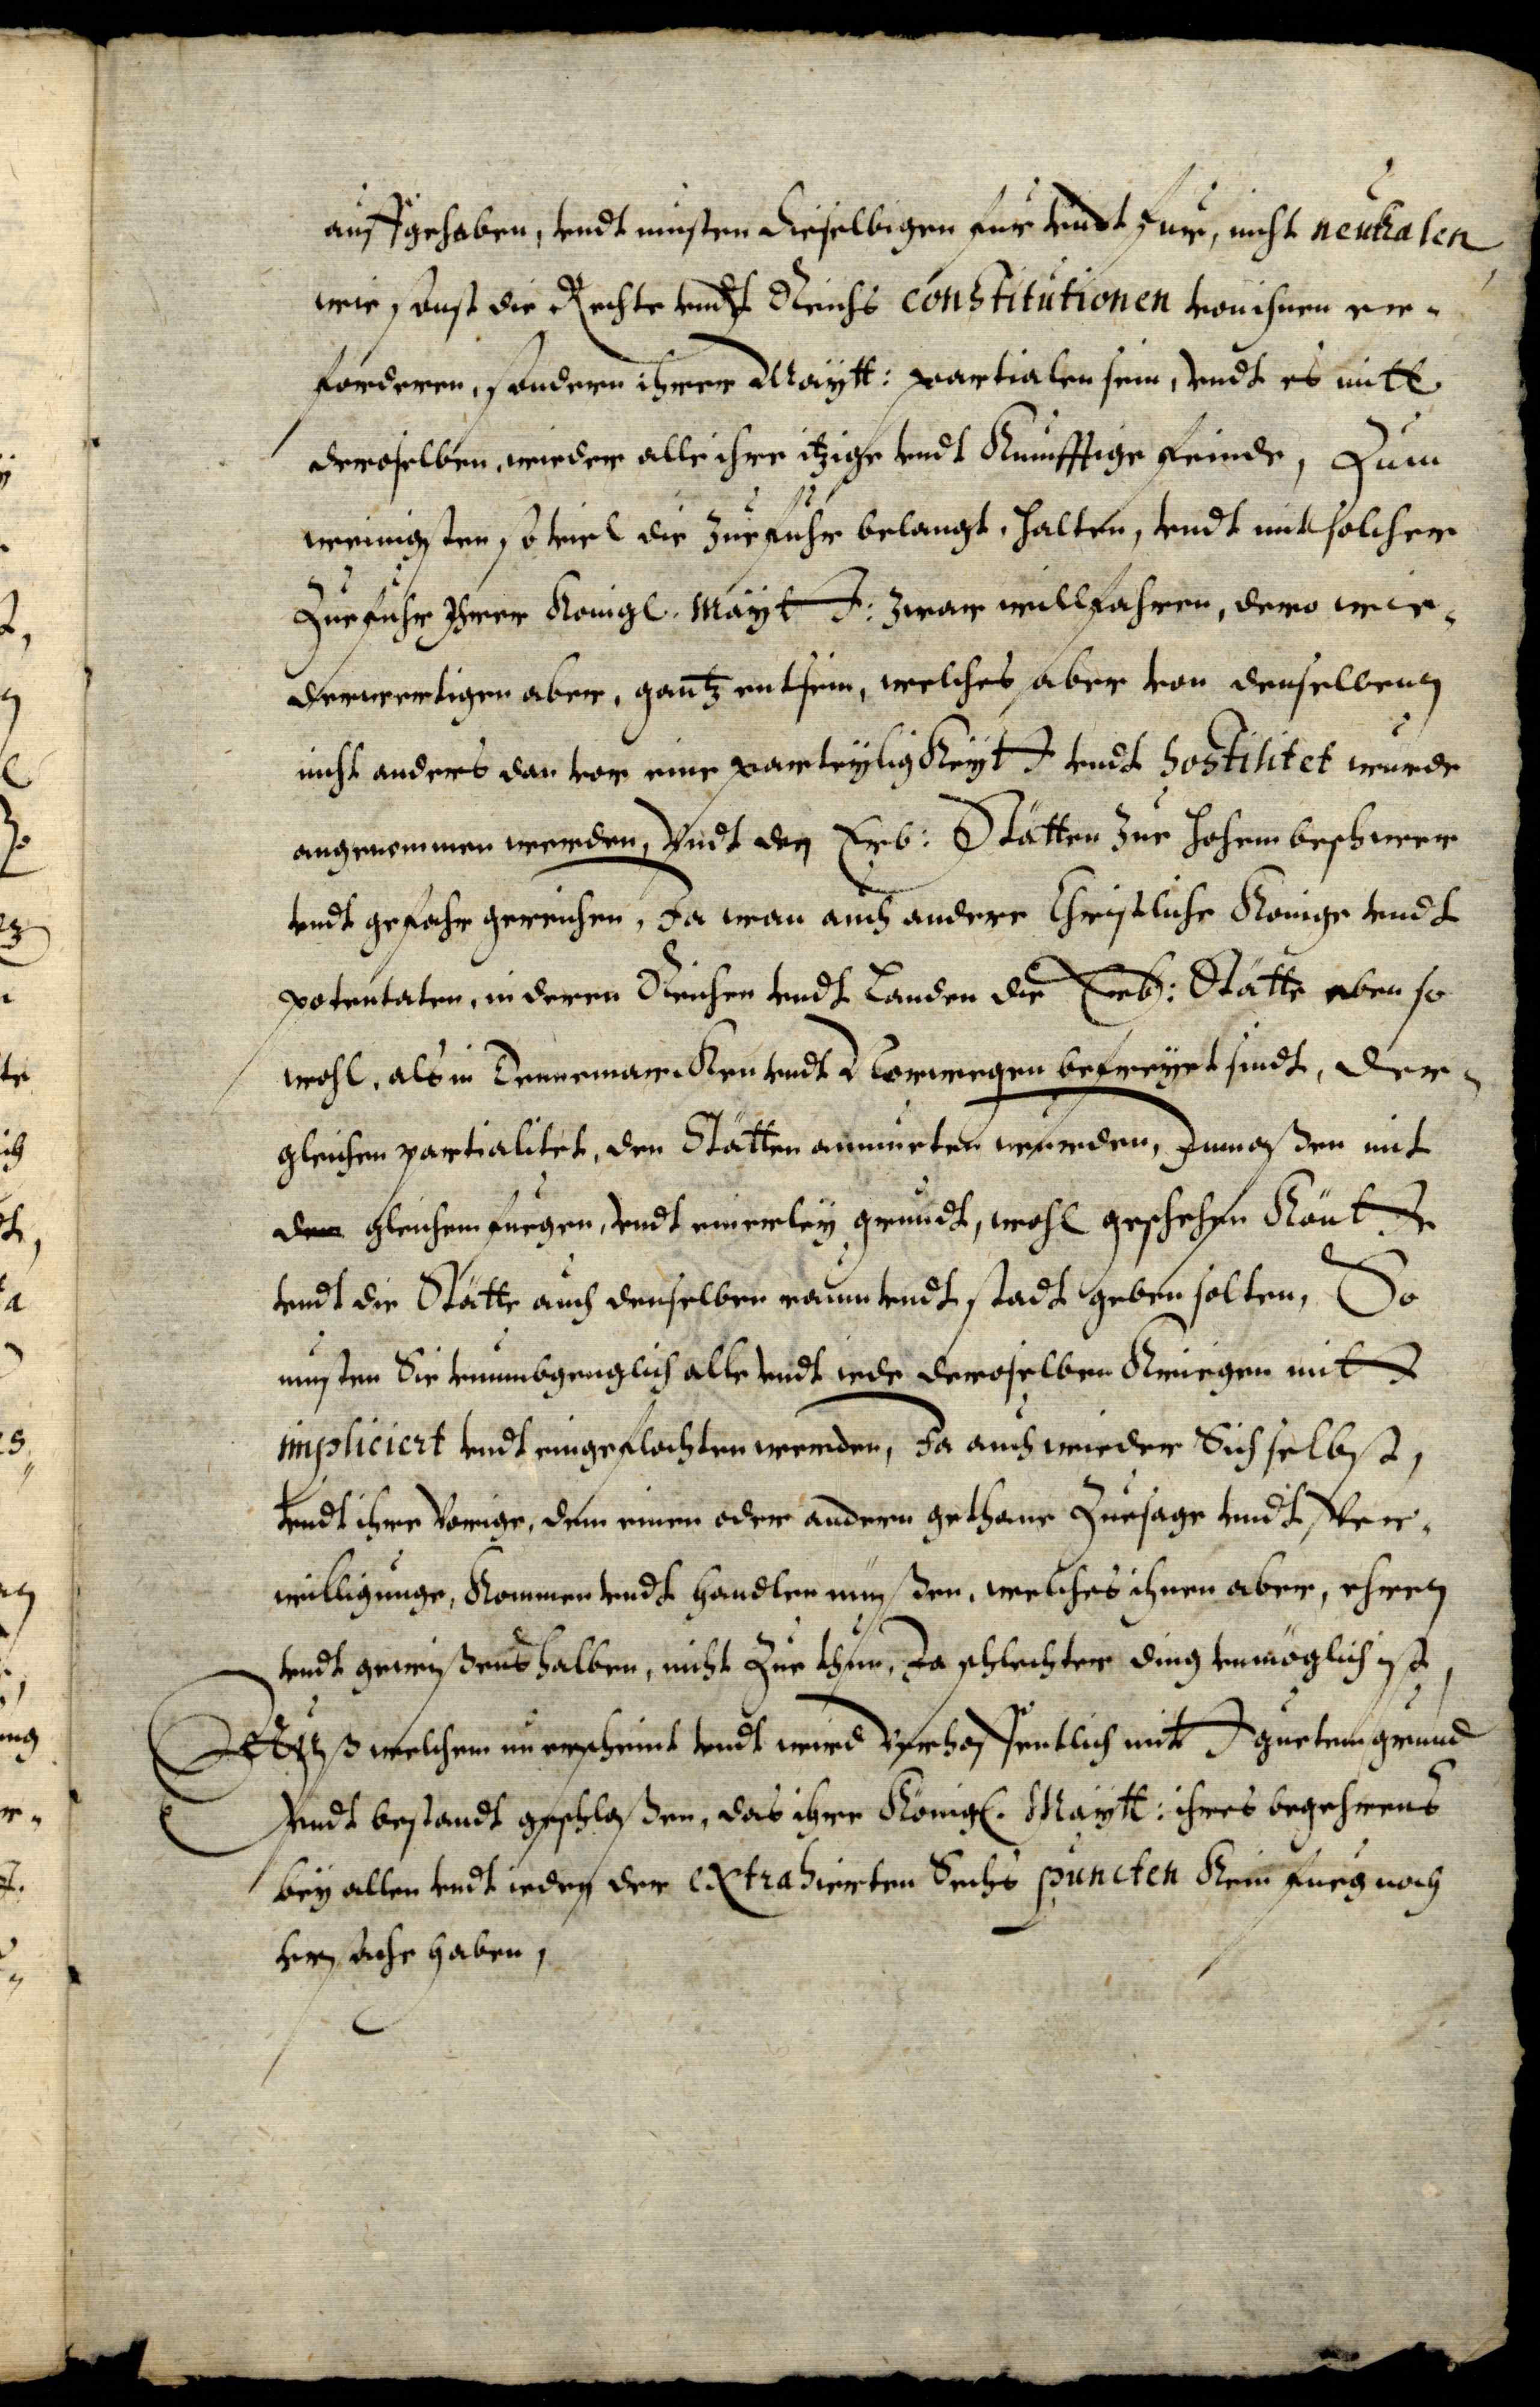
auffgehoben, vndt musten dieselbigen fur vndt fur, nicht neutralen,
wie sonst die Rechte vndt Reichs constitutionen von ihnen er¬
forderen, sondern ihrer Maijtt: partialen sein, vndt es mitt
deroselben, wieder alle ihre itzige vndt kumfftige feinde, Zum
weinigsten so viel die zuefuhr belangt, halten, vndt mit solcher
Zuefuhr Ihrer Konigl. Maijtt: zwar willfahren, dero wie¬
derwertigen aber, gantz entsein, welches aber von denselbenn
nicht anders dan vor eine parteijligKeijtt vndt hostilitet wurde
angenommen werden, Vndt den Erb: Stätten zue hohem beschwer
vndt gefahr gereichen, Ja wan auch andere Christliche Konige vndt
potentaten, in deren Reichen vndt Landen die Erb: Stätte eben so
wohl, als in Dennemarcken vndt Norwegen befreijet sindt, der¬
gleichen partialitet, den Stätten anmueten wurden, Inmaßen mit
dem gleichem fuegen, vndt einerleij grundt, wohl geschehen Köntte
vndt die Stätte auch denselben raum vndt stadt geben solten, So
musten Sie vnumbgenglich alle vndt iede deroselben Kriegen mitt
impliciert vndt eingeflochten werden, Ja auch wieder Sich selbst,
vndt ihre Vorige, dem einen oder andern gethane Zuesage vndt Ver¬
willigunge, Kommen vndt handlen müßen, welches ihnen aber, ehren
vndt gewißens halben, nicht Zue thun, Ja schlechter ding vnmöglich ist,
Alß welchem nu erscheint vndt wird Verhoffentlich mitt guetem grund
vndt bestandt geschloßen, das ihre Königl. Maijtt: ihres begehrens
beij allen vndt ieden der extrahierten Sechs puncten Kein fueg noch
vrsache haben,
